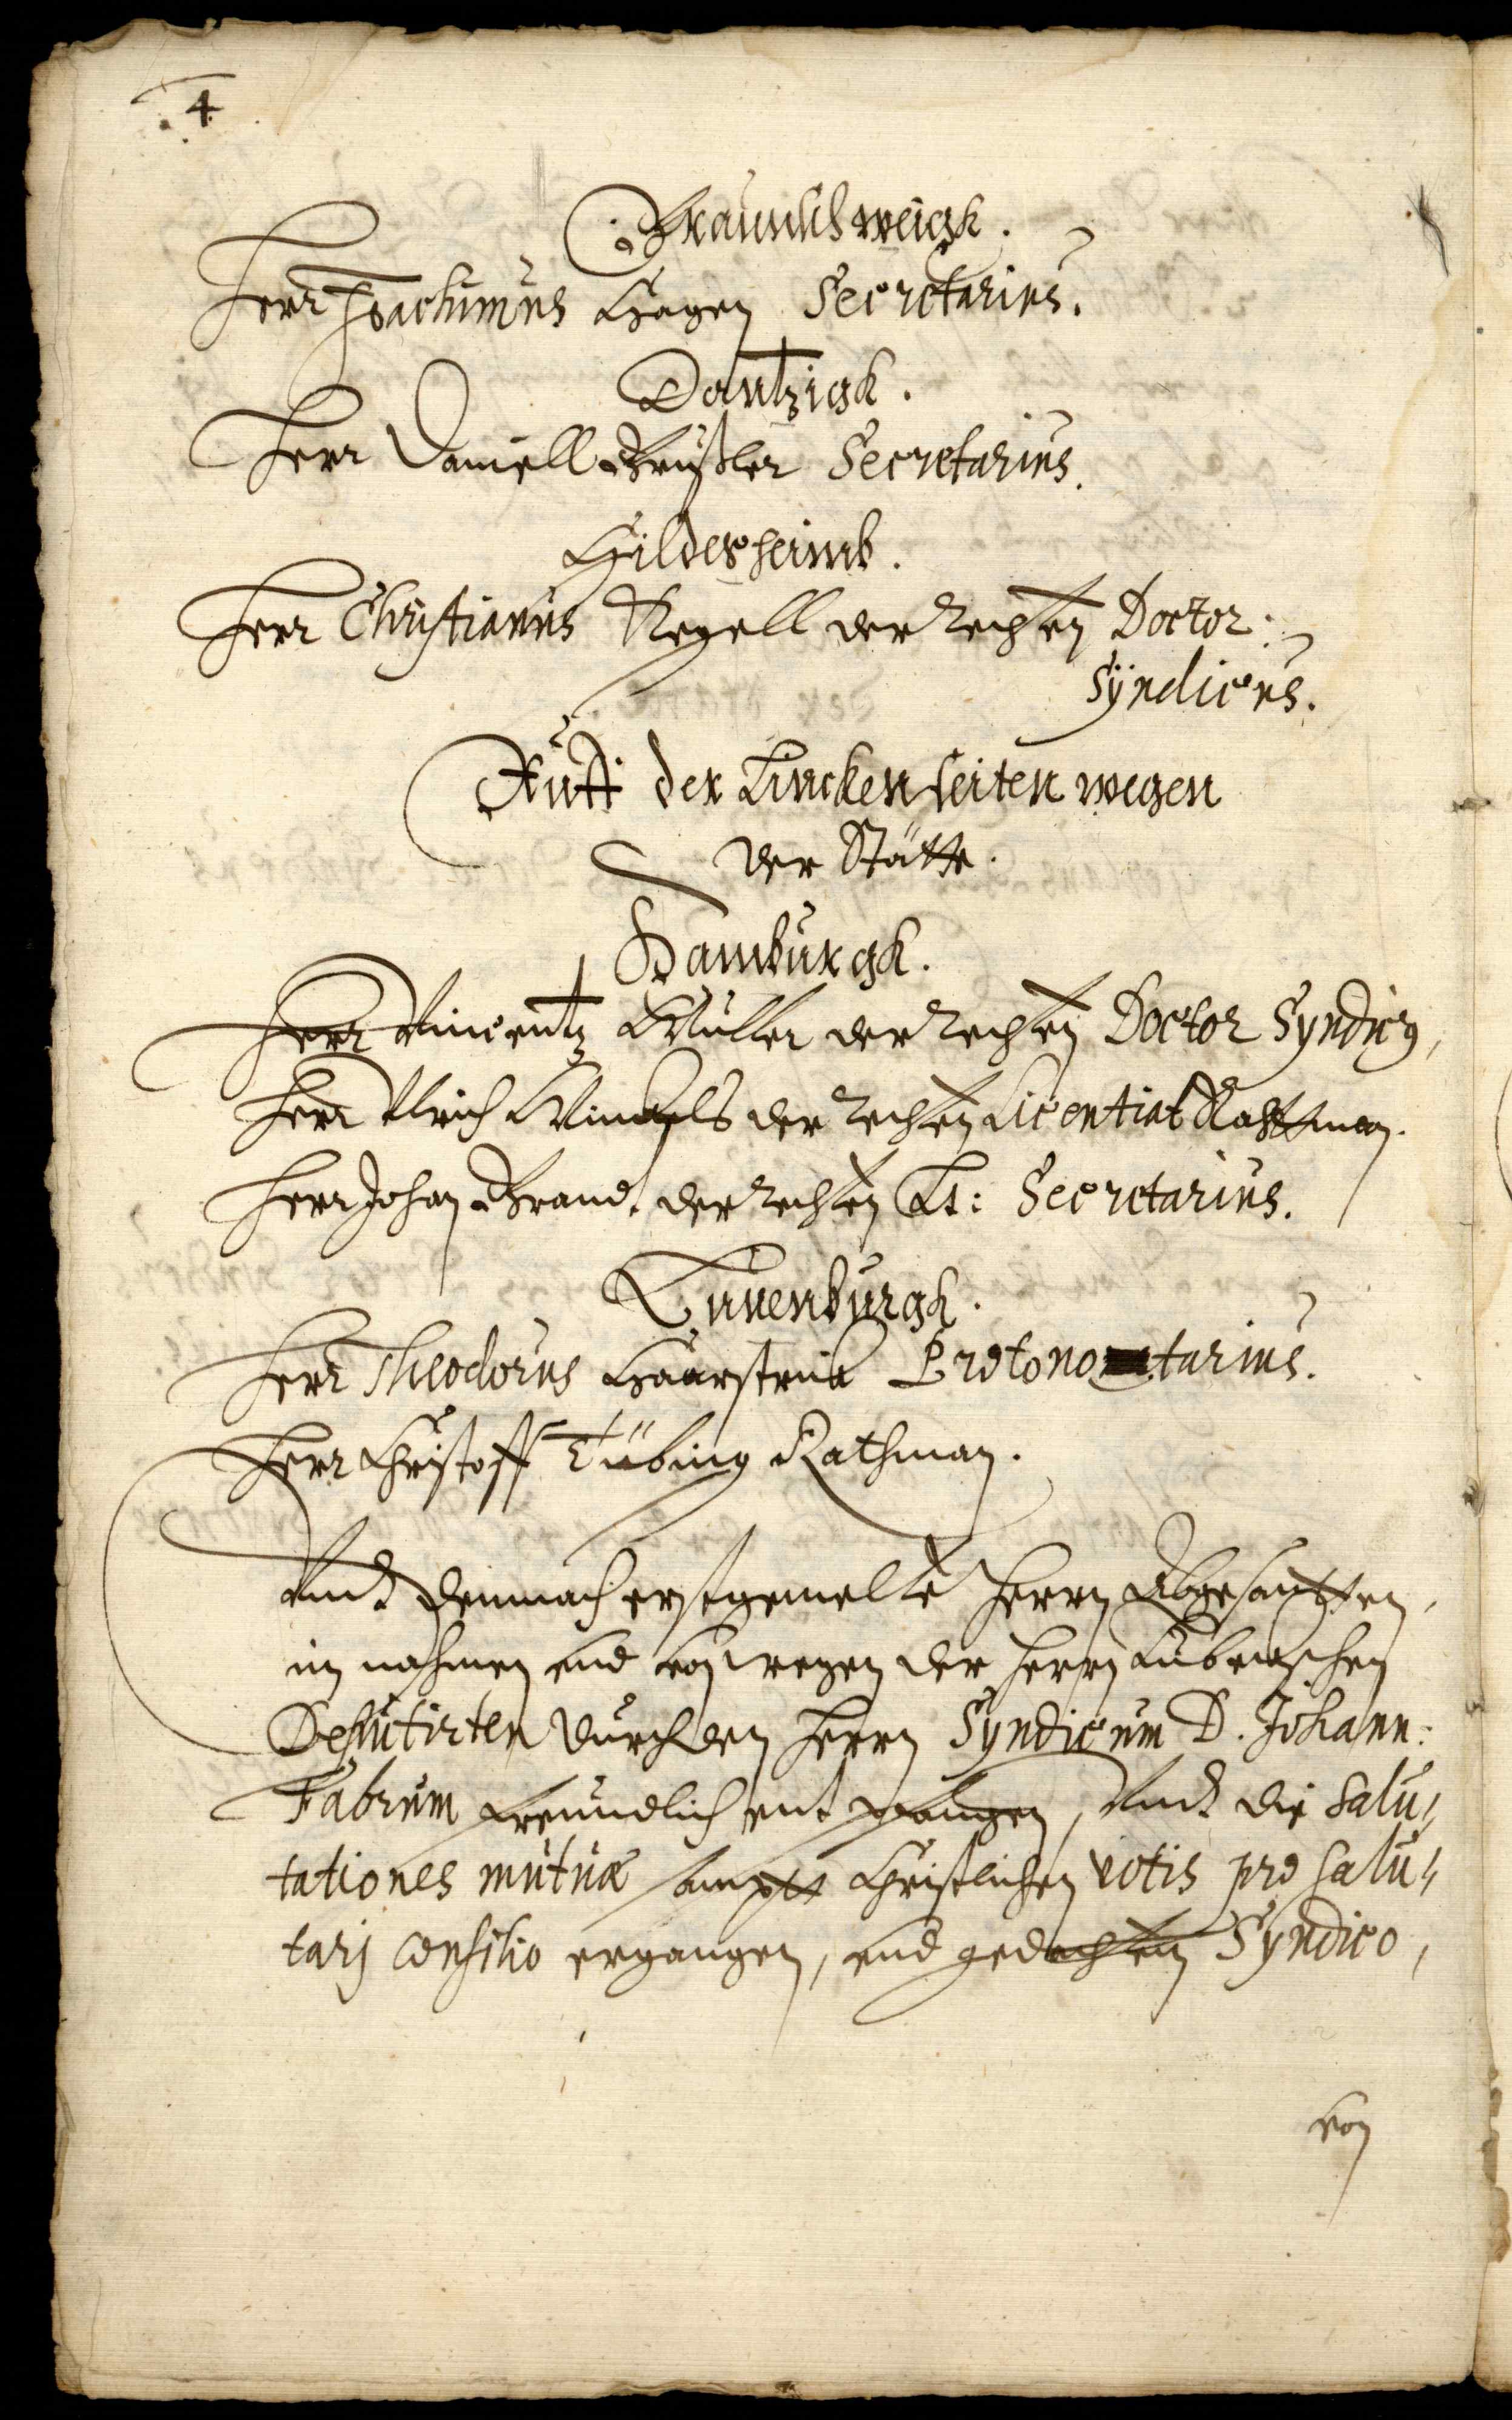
4
Braunschweigk.
Herr Ioachimvs Hagen Secretarius.
Dantzigk.
Herr daniell Brußler Secretarius.
Hildesheimb.
Herr Christianus Kegell der rechten Doctor.
Sijndicus.
Auff der Lincken Seiten wegen
der Stätte.
Hamburgk.
herr Vincentz Muller der rechten Doctor Syndicus,
herr Vlrich Minckels der rechten Licentiat Rahttman.
herr Iohan Brand, der rechten Lt: Secretarius.
Lunenburgk.
herr Theodorus Haerstrick Protonotarius.
herr Christoff Tübing Rathman.
Vndt demnach erstgemelte herrn Abgesantten
im nahmen und von wegen der herrn Lubeckschen
Deputirten durchden herrn Syndicum D. Iohann:
Fabrvm freundlich entpfangen, Vndt die Salu¬
tationes mutuæ samptt Christlichen votis pro salu¬
tarj consilio ergangen, vnd gedachten Syndico,
von
